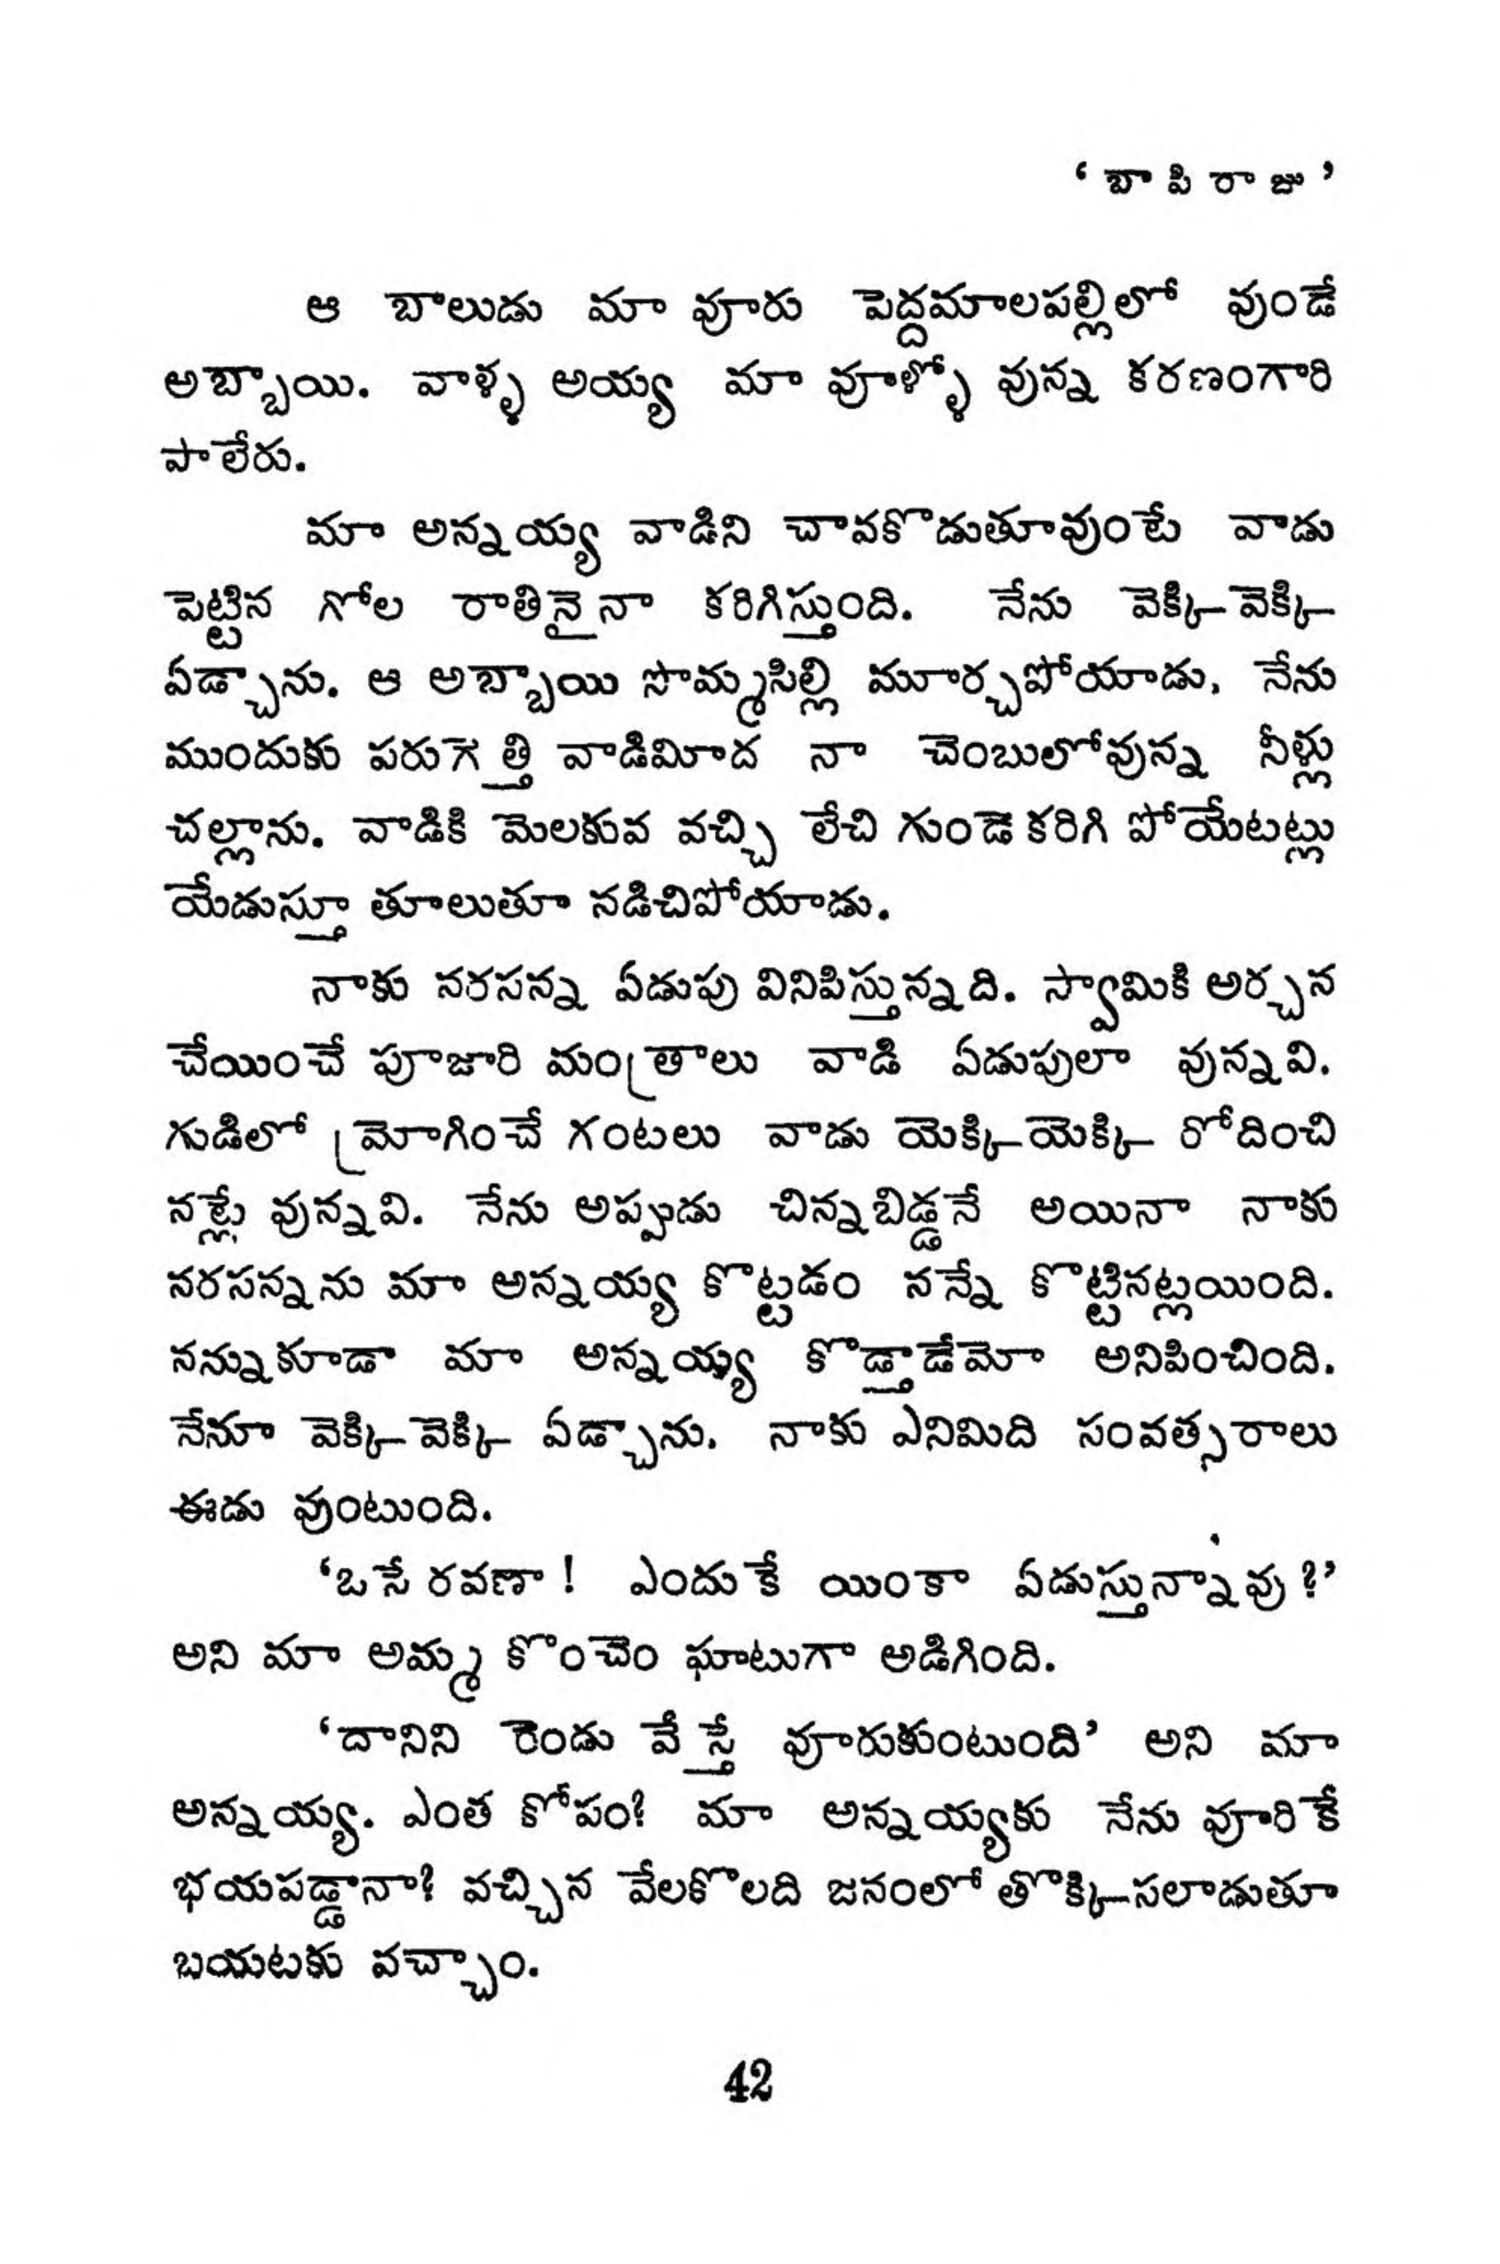ఆ బాలుడు మా వూరు పెద్దమాలపల్లిలో వుండే అబ్బాయి. వాళ్ళ అయ్య మా వూళ్ళో వున్న కరణంగారి పాలేరు.

మా అన్నయ్య వాడిని చావకొడుతూవుంటే వాడు పెట్టిన గోల రాతినైనా కరిగిస్తుంది. నేను వెక్కి వెక్కి ఏడ్చాను. ఆ అబ్బాయి సొమ్మసిల్లి మూర్చపోయాడు. నేను ముందుకు పరుగెత్తి వాడిమీద నా చెంబులోవున్న నీళ్లు చల్లాను. వాడికి మెలకువ వచ్చి లేచి గుండె కరిగి పోయేటట్లు యేడుస్తూ తూలుతూ నడిచిపోయాడు. 

నాకు నరసన్న ఏడుపు వినిపిస్తున్నది. స్వామికి అర్చన చేయించే పూజారి మంత్రాలు వాడి ఏడుపులా వున్నవి. గుడిలో మ్రోగించే గంటలు వాడు యెక్కియెక్కి రోదించినట్లే వున్నవి. నేను అప్పుడు చిన్నబిడ్డనే అయినా నాకు నరసన్నను మా అన్నయ్య కొట్టడం నన్నే కొట్టినట్లయింది. నన్నుకూడా మా అన్నయ్య కొడ్తాడేమో అనిపించింది. నేనూ వెక్కి వెక్కి ఏడ్చాను. నాకు ఎనిమిది సంవత్సరాలు.

'ఒసే రవణా ! ఎందుకే యింకా ఏడుస్తున్నావు?' అని మా అమ్మ కొంచెం ఘాటుగా అడిగింది.

'దానిని రెండు వేస్తే వూరుకుంటుంది' అని మా అన్నయ్య. ఎంత కోపం? మా అన్నయ్యకు నేను వూరికే భయపడ్డానా? వచ్చిన వేలకొలది జనంలో తొక్కిసలాడుతూ బయటకు వచ్చాం.